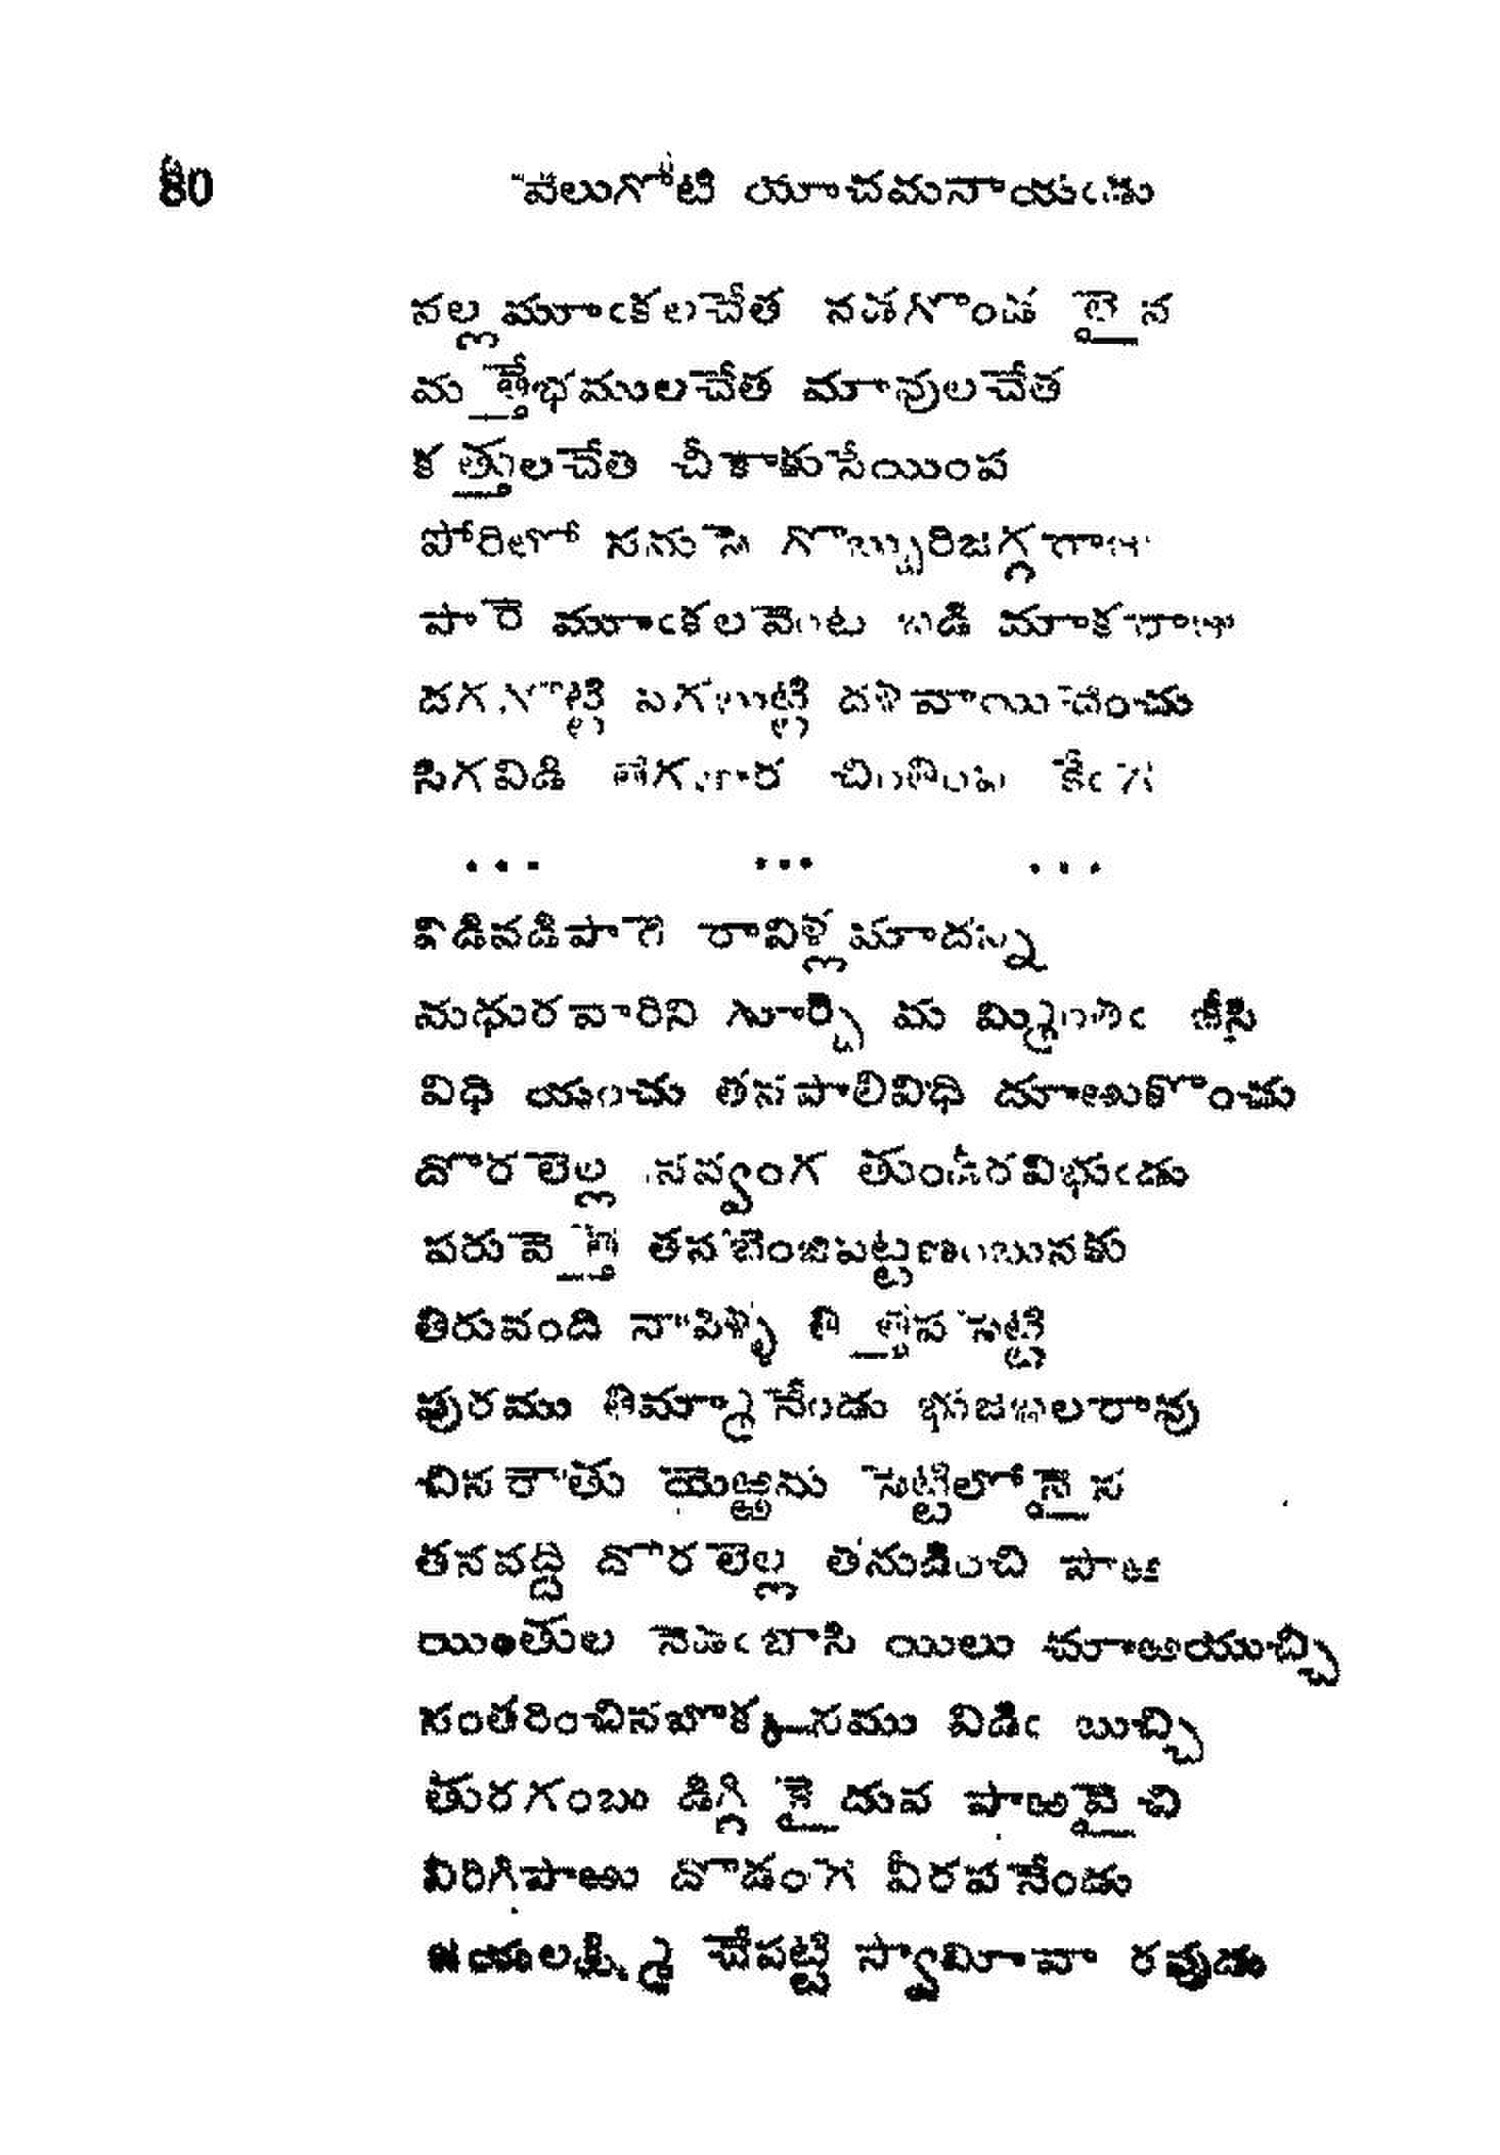నల్ల మూఁకలచేత నడగొండ లైన
 మత్తేభములచేత మావులచేత
 కత్తులచేత చీకాకుసేయింప
 పోరిలో సనుసె గొబ్బురిజగ్గరాజు
 పారె మూఁకలవెంట బడి మాకరాజు
 దగగొట్టి పగబుట్టి దళవాయిచెంచు
 సిగవిడి తెగలార చింతింప కేఁగె
 ... ... ...
 విడివడిపారె రావెళ్ల మాదన్న
 మధురవారిని గూర్చి మ మ్మింతఁ జేసి
 విధి యంచు తనపాలివిధి దూఱుకొంచు
 దొరలెల్ల నవ్వంగ తుండీరవిభుఁడు
 పరువెత్తె తనజెంజిపట్టణంబునకు
 తిరువంది నాపిళ్ళ తిత్తప సెట్టి
 పురము తిమ్మానేండు భుజబలరావు
 చినరౌతు యెఱ్ఱమ సెట్టిలోనైన
 తనవద్ది దొరలెల్ల తనుడించి పాఱ
 యింతిల నెడఁబాసి యిలు చూఱయుచ్చి
 సంతరించినబొక్కసము విడిఁ బుచ్చి
 తురగంబు డిగ్గి కైదువ పాఱవైచి
 విరిగిపాఱు దొడంగె వీరపనేండు
 జయలక్ష్మి చేపట్టి స్వామివా రపుడు